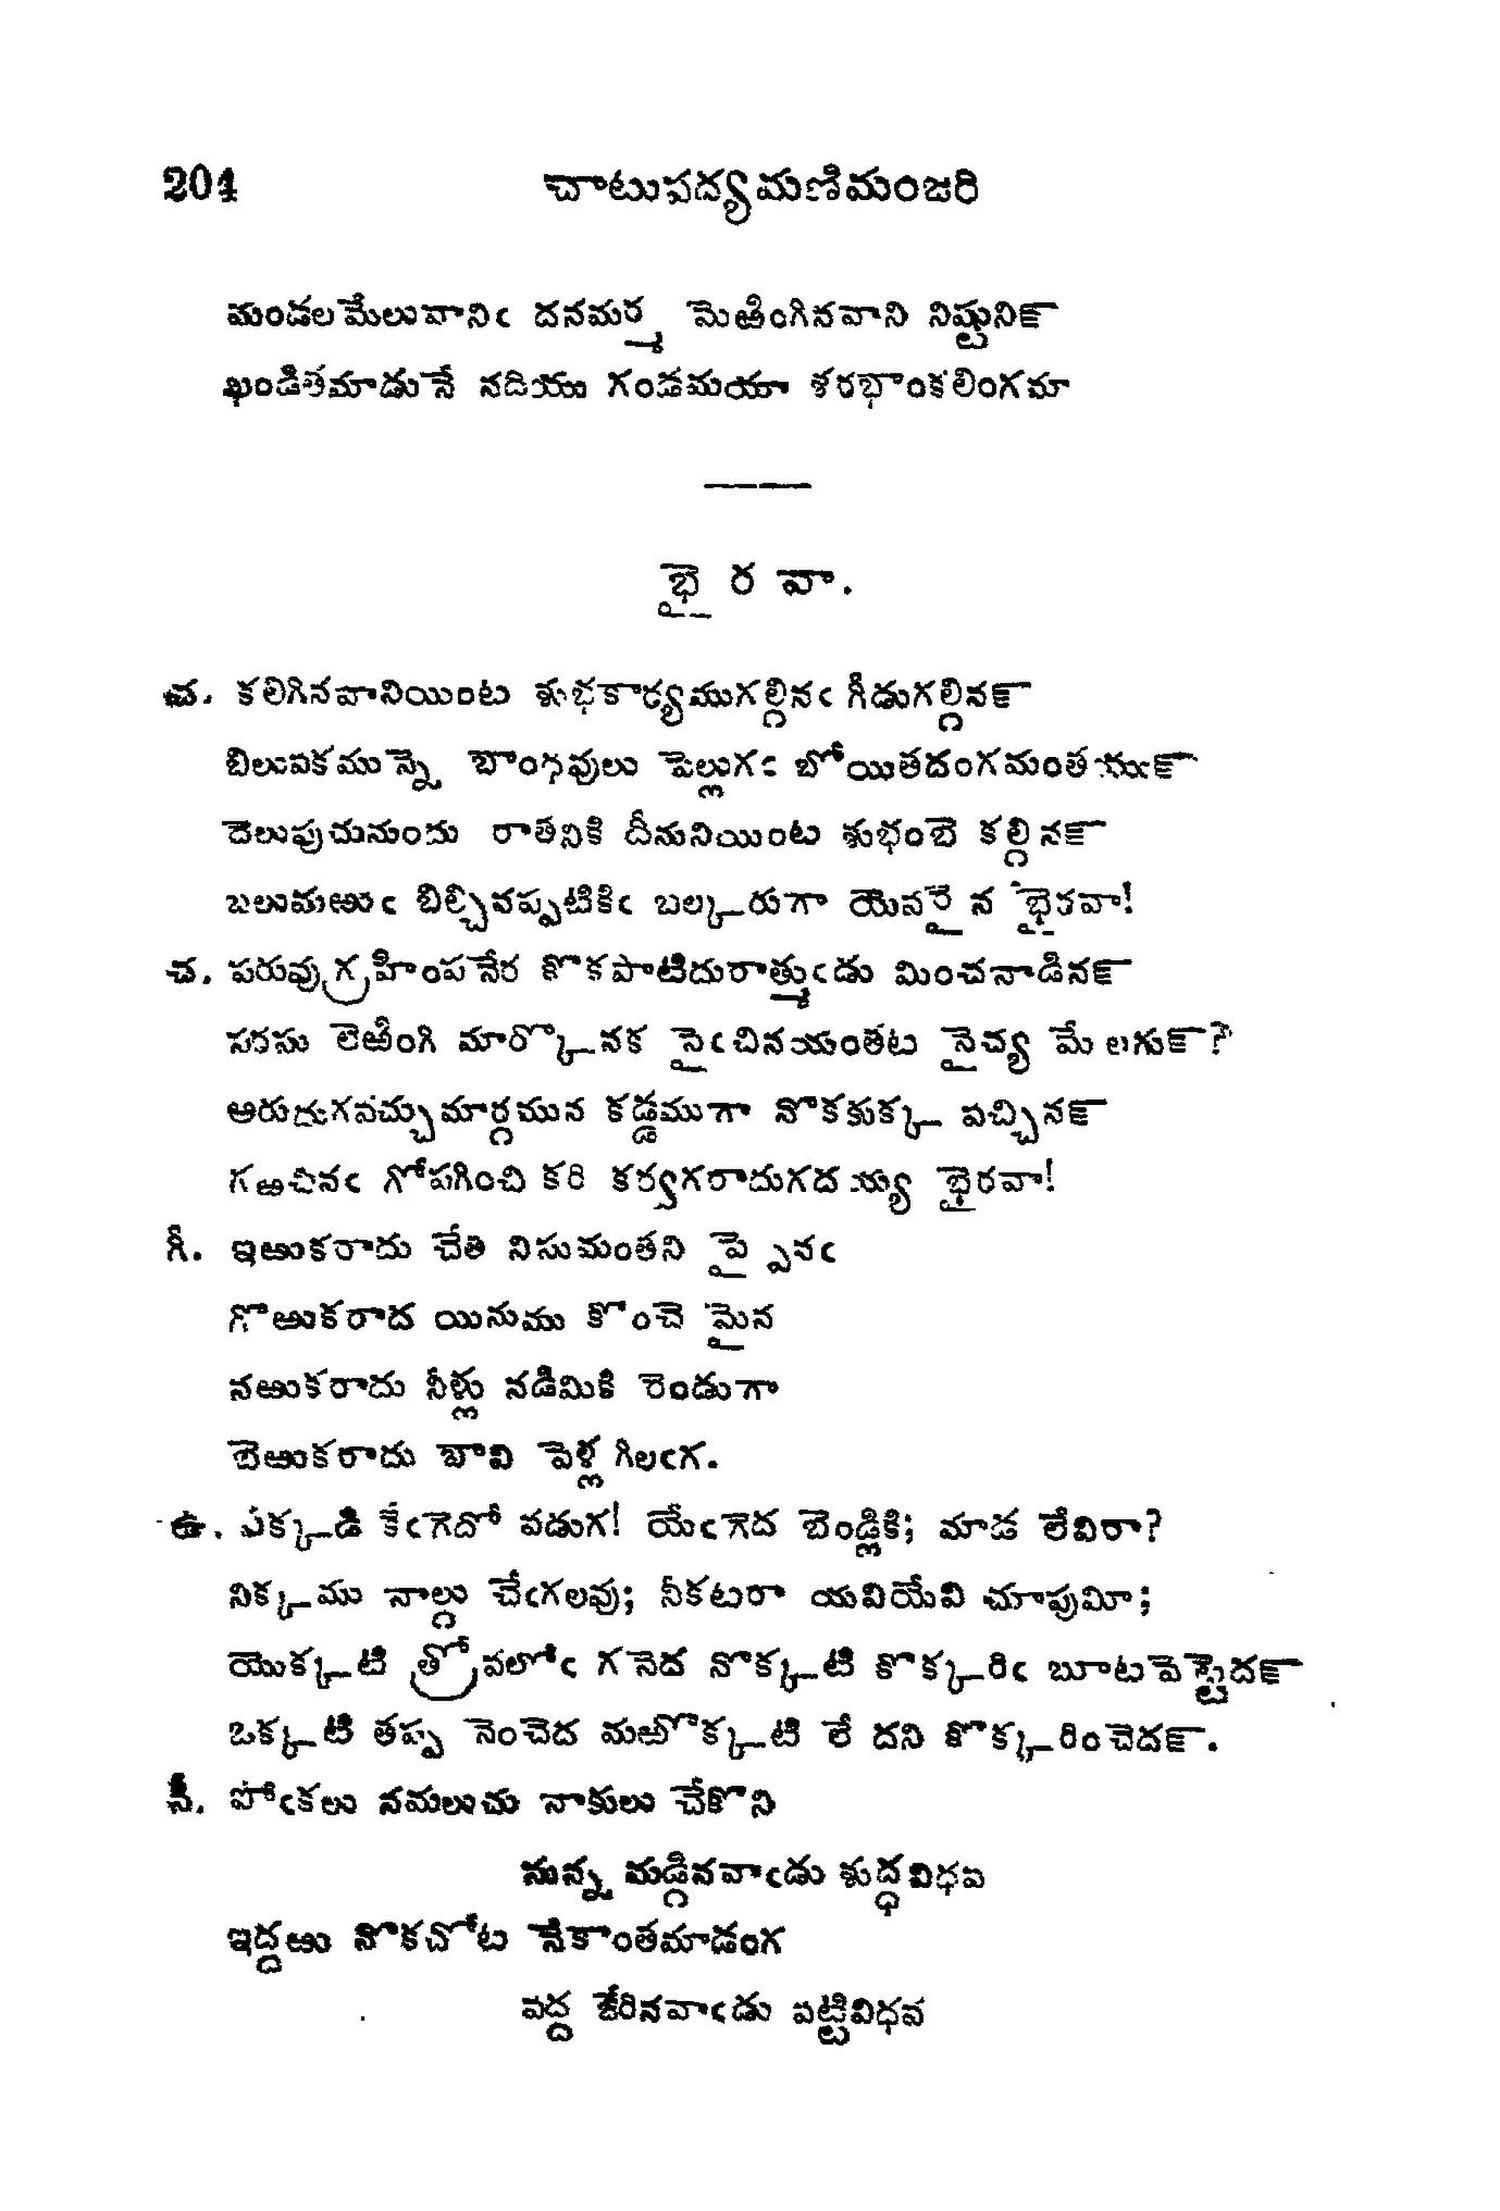మండలమేలువానిఁ దనమర్మ మెఱింగినవాని నిష్టునిన్
 ఖండితమాడునే నదియు గండమయా శరభాంకలింగమా!

చ. కలిగినవానియింట శుభకార్యము గల్గినఁ గీడి గల్గినన్
 బిలువకమున్నె బాంధవులు పెల్లుగఁ బోయి తదంగమంతయున్
 దెలుపుచునుందు రాతనికి దీనునియింట శుభంబె కల్గినన్
 బలుమఱుఁ బిల్చినప్పటికిఁ బల్కరుగా యెవరైన భైరవా!
చ. పరువు గ్రహింపనేర కొకపాటిదురాత్ముఁడు మించనాడినన్
 సరసు లెఱింగి మార్కొనక సైఁచినయంతట నైచ్య మై లగున్?
 అరుదుగ వచ్చు మార్గమున కడ్డముగా నొకకుక్క వచ్చినన్
 గఱచినఁ గోపగించి కరి కర్వగరాదుగదయ్య భైరవా!
గీ. ఇఱుకరాదు చేత నిసుమంతని ప్పైనఁ
 గొఱుకరాద యినుము కొంచె మైన
 నఱుకరాదు నీళ్ళు నడిమికి రెండుగా
 బెఱుకరాదు బావి పెళ్ళగిలఁగ.
ఉ. ఎక్కడి కేఁగెదో వడుగ యేఁగెద బెండ్లికి మాడ లేవిరా
 నిక్కము నాల్గు చేఁగలవు నీకటరా యవియేవి చూపుమీ
 యొక్కటి త్రోవలోఁ గనెద నొక్కటి కొక్కరిఁ బూట పెట్టెదన్
 ఒక్కటి తప్పనెంచెద మఱొక్కటి లే దని కొక్కరించెదన్.
సీ. పోఁకలు నమలుచు నాకులు చేకొని
 సున్న మడ్గినవాఁడు శుద్ధవిధవ
 ఇద్దఱు నొకచోట నేకాంతమాడంగ
 వద్ద జేరినవాఁడు వట్టి విధవ